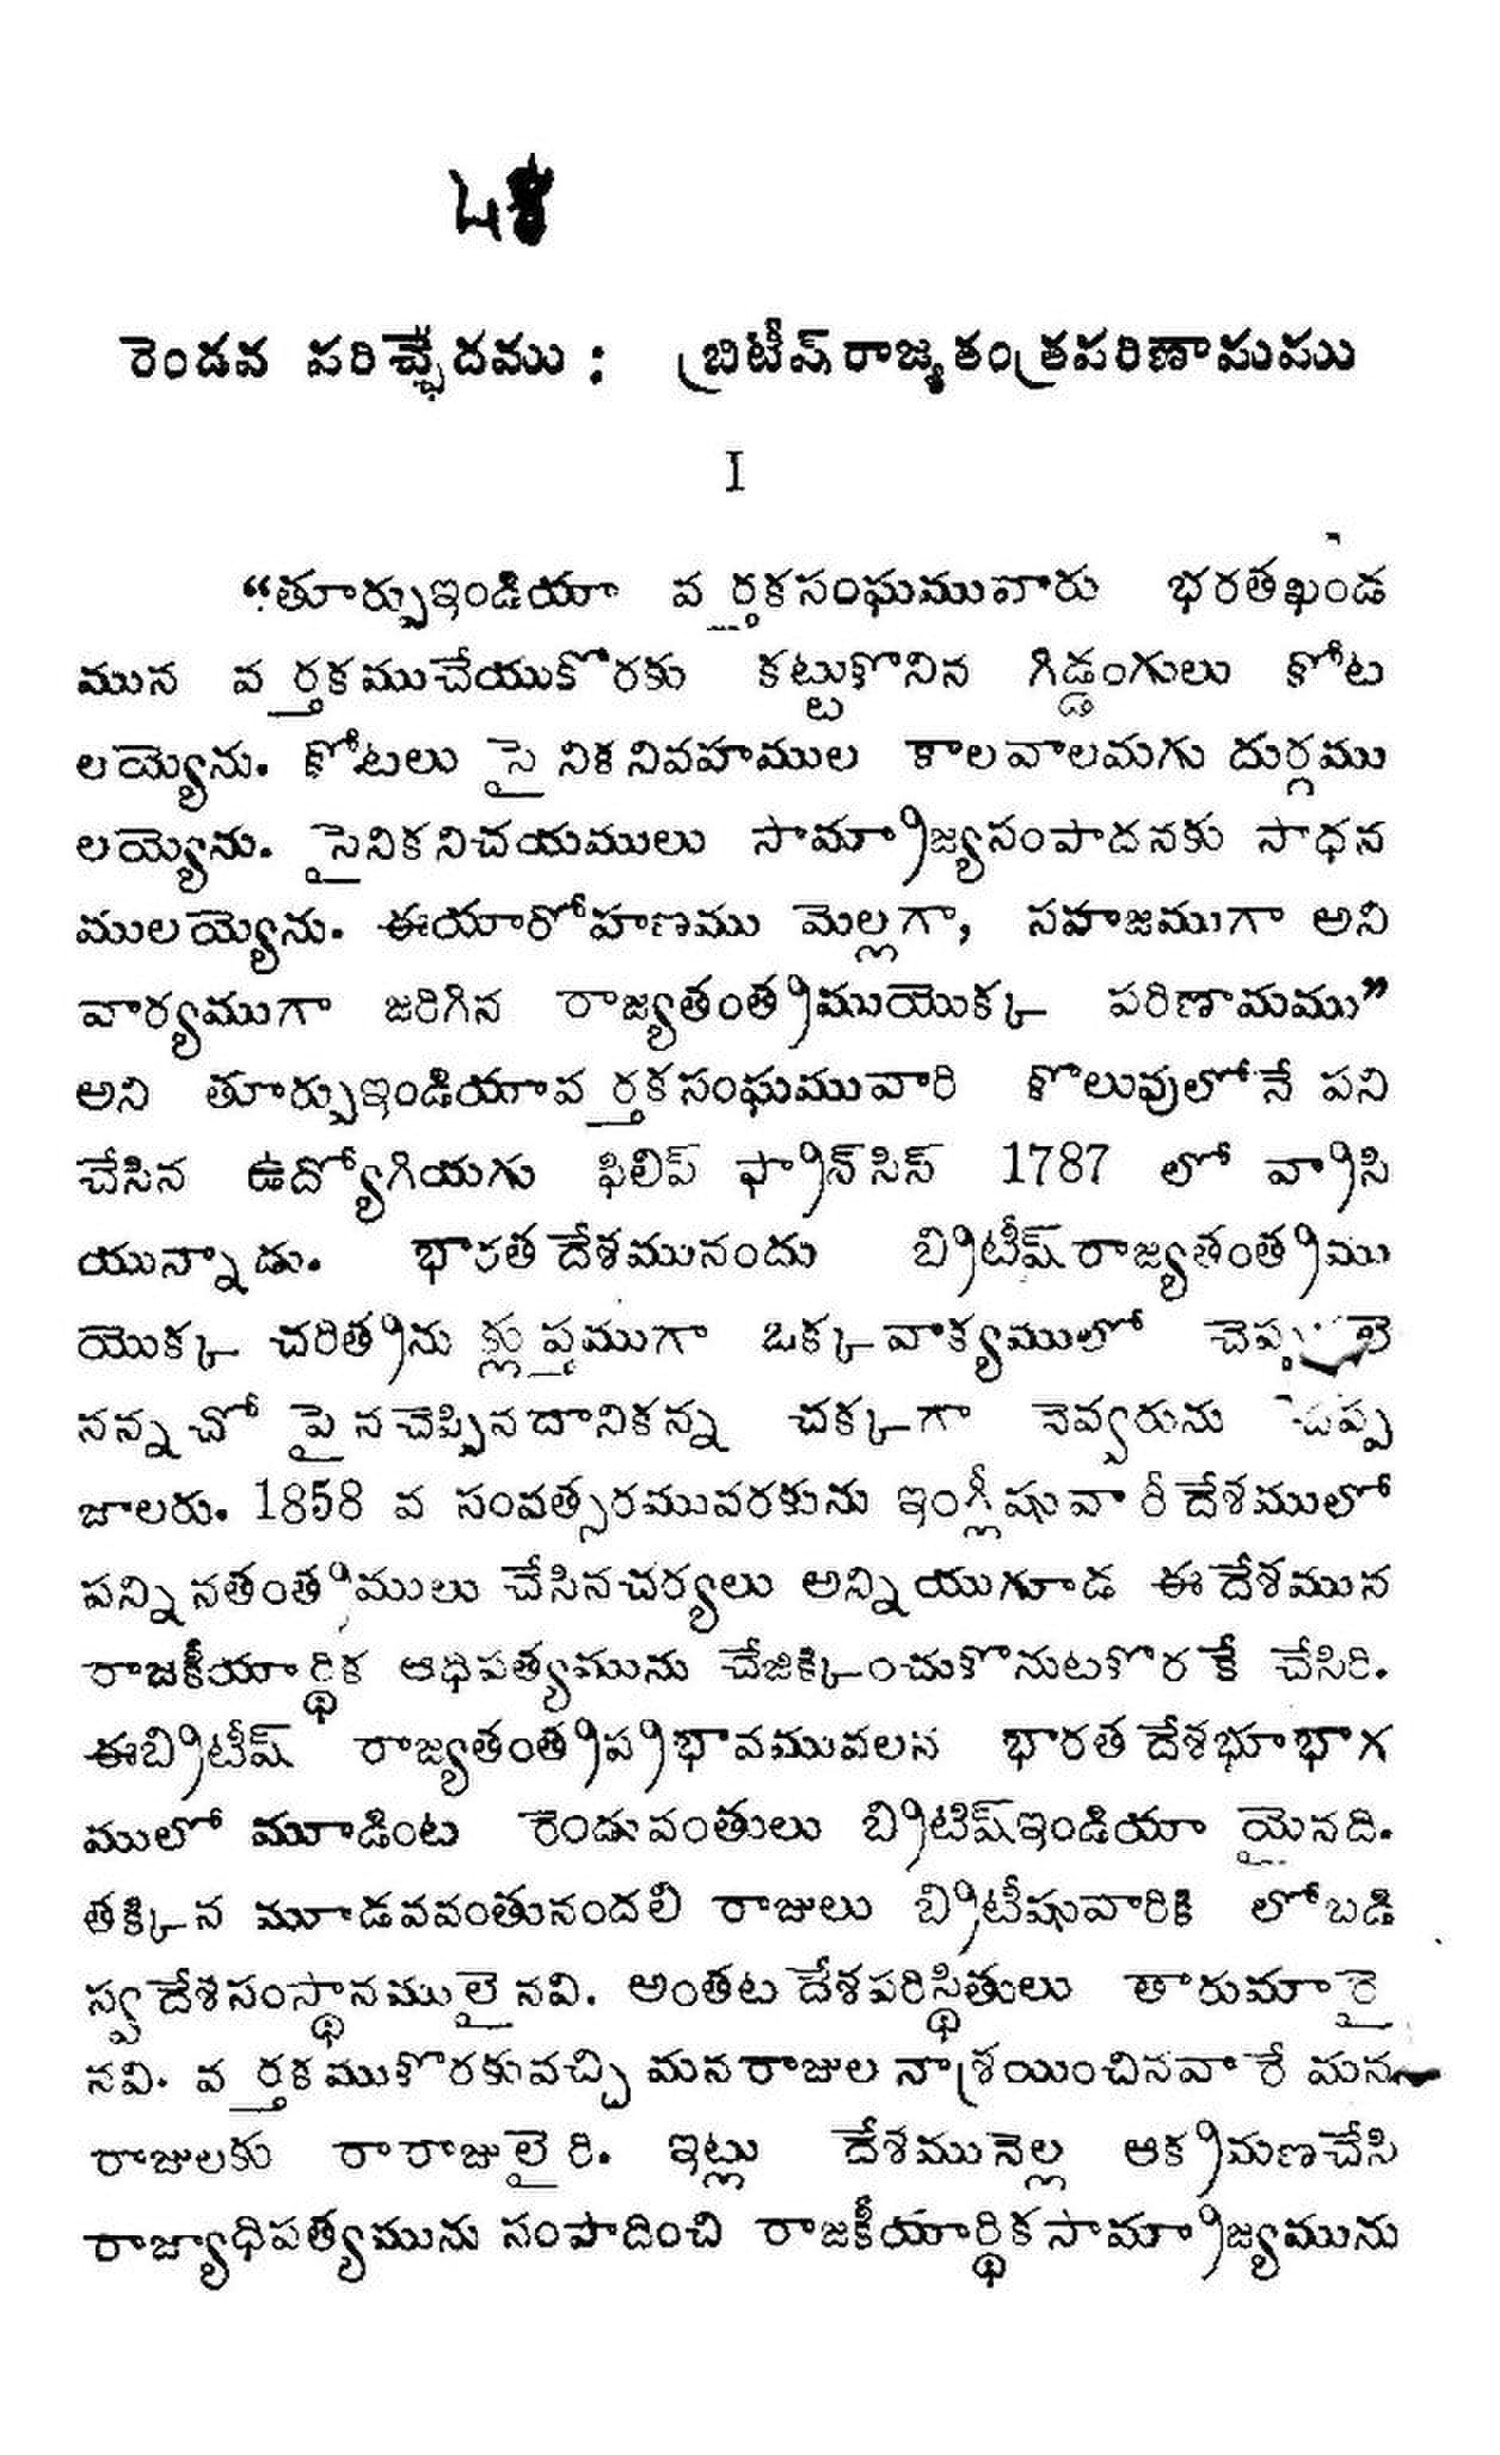రెండవ పరిచ్ఛేదము : బ్రిటీష్ రాజ్యతంత్రపరిణామము
I

"తూర్పుఇండియా వర్తకసంఘమువారు భరతఖండమున వర్తకముచేయుకొరకు కట్టుకొనిన గిడ్డంగులు కోటలయ్యెను. కోటలు సైనిక నివహముల కాలవాలమగు దుర్గములయ్యెను. సైనిక నిచయములు సామ్రాజ్యసంపాదనకు సాధనములయ్యెను. ఈయారోహణము మెల్లగా, సహజముగా అనివార్యముగా జరిగిన రాజ్యతంత్రముయొక్క పరిణామము" అని తూర్పుఇండియావర్తకసంఘమువారి కొలువులోనే పనిచేసిన ఉద్యోగియగు ఫిలిప్ ఫ్రాన్‌సిస్ 1787 లో వ్రాసియున్నాడు. భారతదేశమునందు బ్రిటీష్ రాజ్వతంత్రముయొక్క చరిత్రను క్లుప్తముగా ఒక్కవాక్యములో చెప్పవలెనన్నచో పైనచెప్పినదానికన్న చక్కగా నెవ్వరును చెప్పజాలరు. 1858 వ సంవత్సరమువరకును ఇంగ్లీషువారీదేశములో పన్నినతంత్రములు చేసినచర్యలు అన్నియుగూడ ఈదేశమున రాజకీయార్థిక ఆధిపత్యమును చేజిక్కించుకొనుటకొరకే చేసిరి. ఈబ్రిటీష్ రాజ్యతంత్రప్రభావమువలన భారతదేశభూభాగములో మూడింట రెండువంతులు బ్రిటిష్‌ఇండియా యైనది. తక్కిన మూడవవంతునందలి రాజులు బ్రిటీషువారికి లోబడి స్వదేశసంస్థానములైనవి. అంతట దేశపరిస్థితులు తారుమారైనవి. వర్తకముకొరకువచ్చి మనరాజుల నాశ్రయించినవారే మనరాజులకు రారాజులైరి. ఇట్లు దేశమునెల్ల ఆక్రమణచేసి రాజ్యాధిపత్యమును సంపాదించి రాజకీయార్థిక సామ్రాజ్యమును